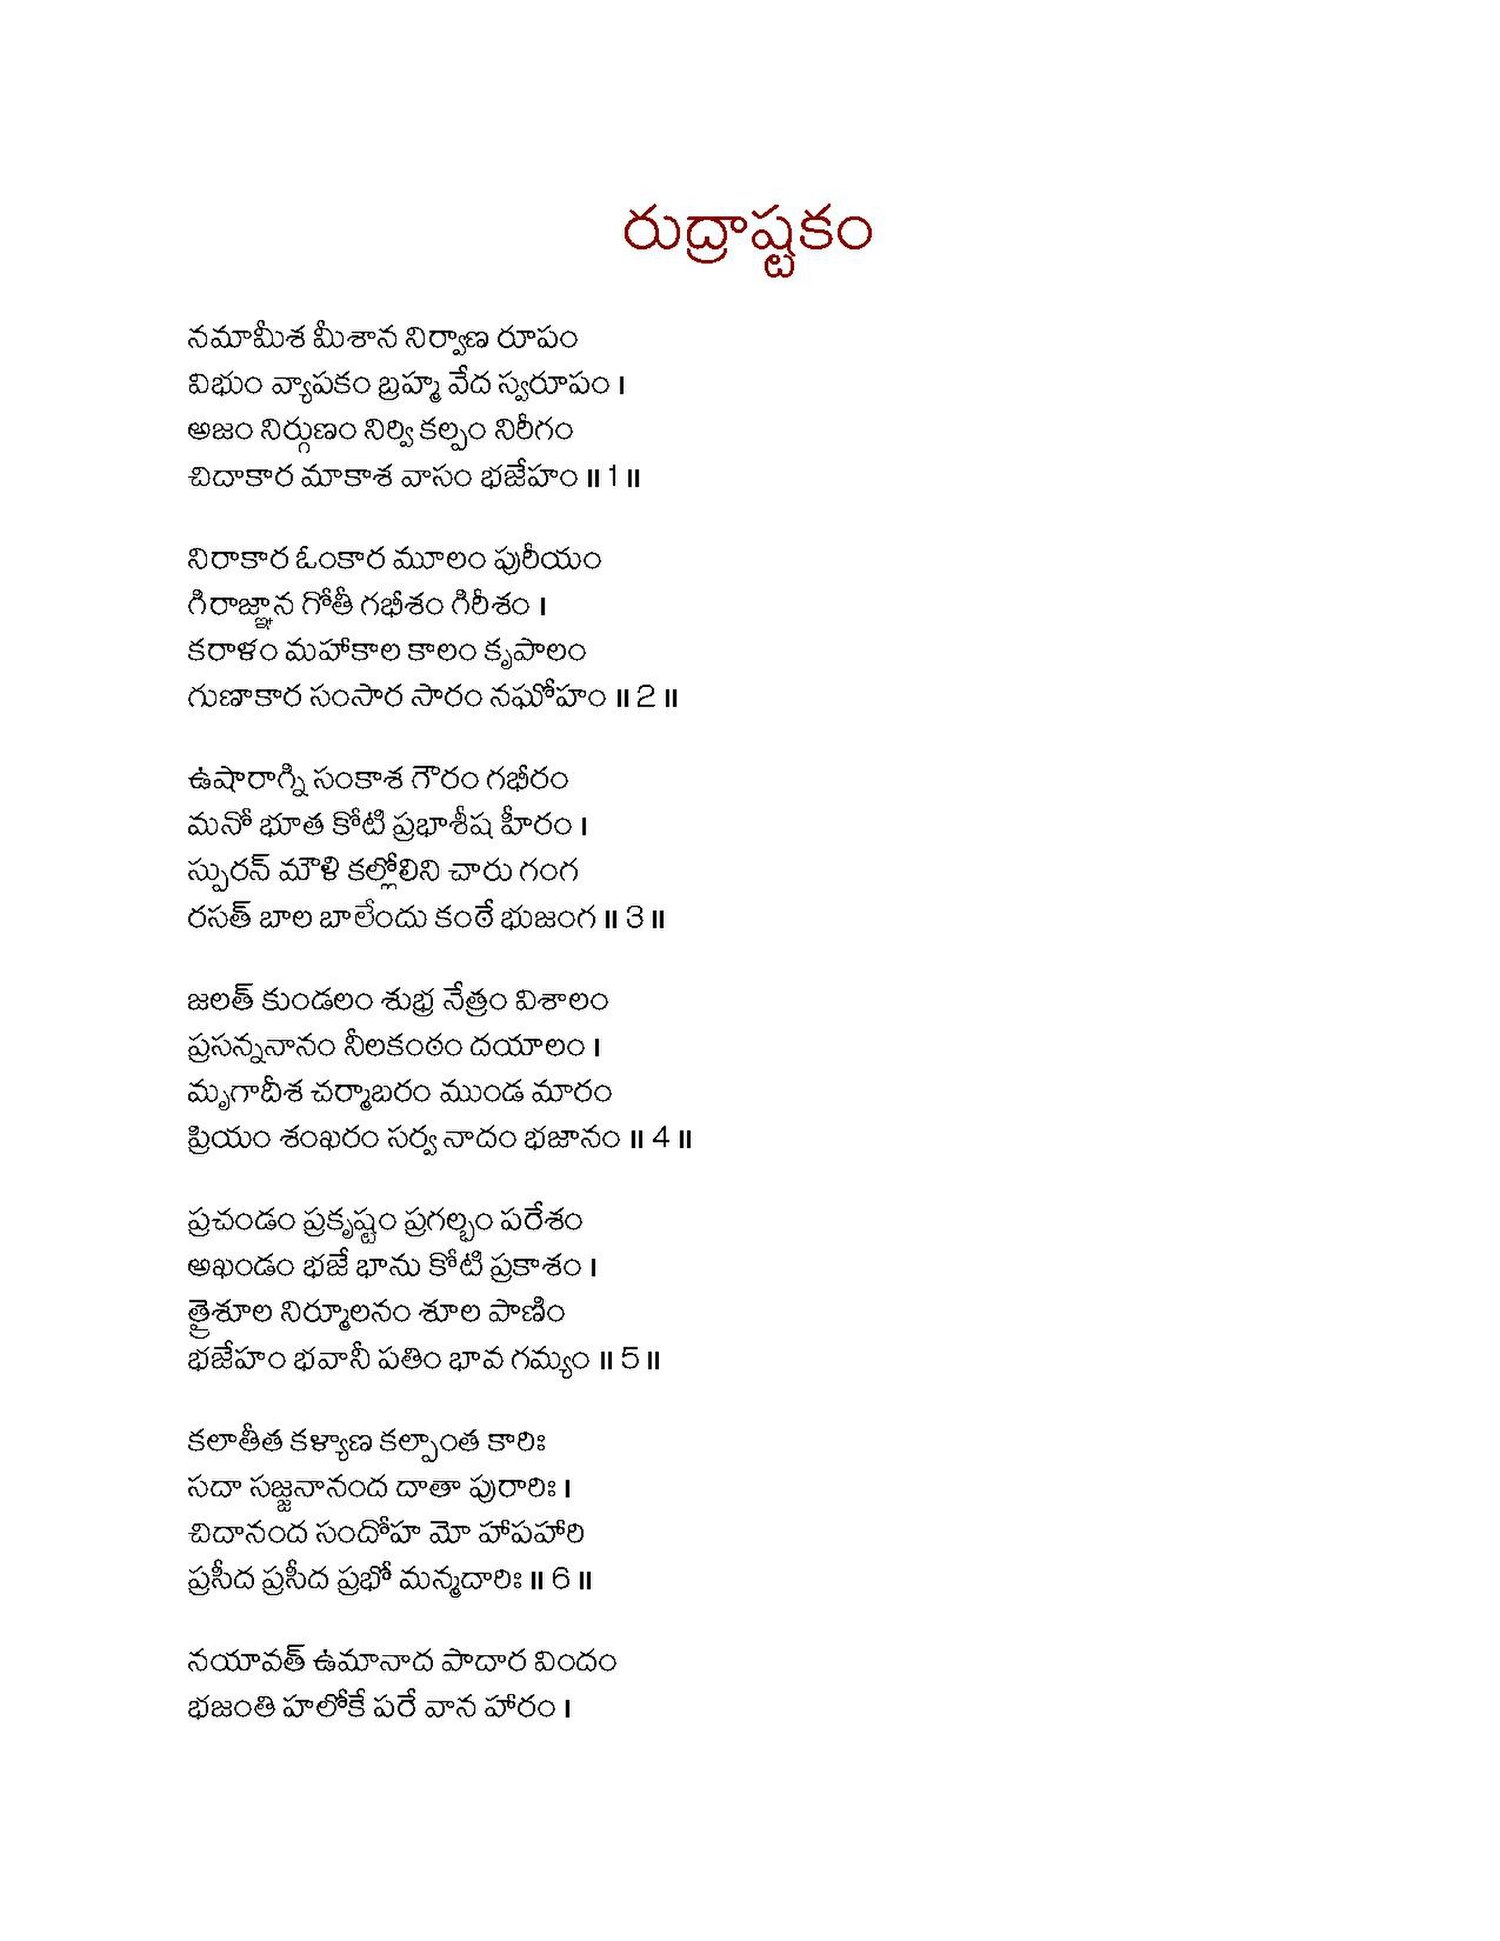నమామీశ మీశాన నిర్వాణ రూపం
విభుం వ్యాపకం బ్రహ్మ వేద స్వరూపం |
అజం నిర్గుణం నిర్వికల్పం నిరీగం
చిదాకార మాకాశవాసం భజేహం || 1 ||

నిరాకార ఓంకార మూలం పురీయం
గిరాజ్ఞాన గోతీ గభీశం గిరీశం |
కరాళం మహాకాల కాలం కృపాలం
గుణాకార సంసార సారం నఘోహం || 2 ||

ఉషారాగ్ని సంకాశ గౌరం గభీరం
మనో భూత కోటి ప్రభాశీష హీరం |
స్ఫురన్ మౌళి కల్లోలిని చారు గంగ
రసత్ బాల బాలేందు కంఠే భుజంగ || 3 ||

జలత్ కుండలం శుభ్ర నేత్రం విశాలం
ప్రసన్ననానం నీలకంఠం దయాలం|
మృగాదీశ చర్మాబరం ముండ మారం
ప్రియం శంఖరం సర్వనాదం భజానం || 4 ||

ప్రచండం ప్రకృష్టం ప్రగల్భం పరేశం
అఖండం భజే భాను కోటి ప్రకాశం |
త్రైశూల నిర్మూలనం శూల పాణిం
భజేహం భవానీ పతిం భావ గమ్యం || 5 ||

కలాతీత కళ్యాణ కల్పాంత కారిః
సదా సజ్జనానంద దాతా పురారిః |
చిదానంద సందోహ మోహాపహారి
ప్రసీద ప్రసీద ప్రభో మన్మధారిః || 6 ||

నయావత్ ఉమానాద పాదారవిందం
భజంతి హలోకే పరేవాన హారం|